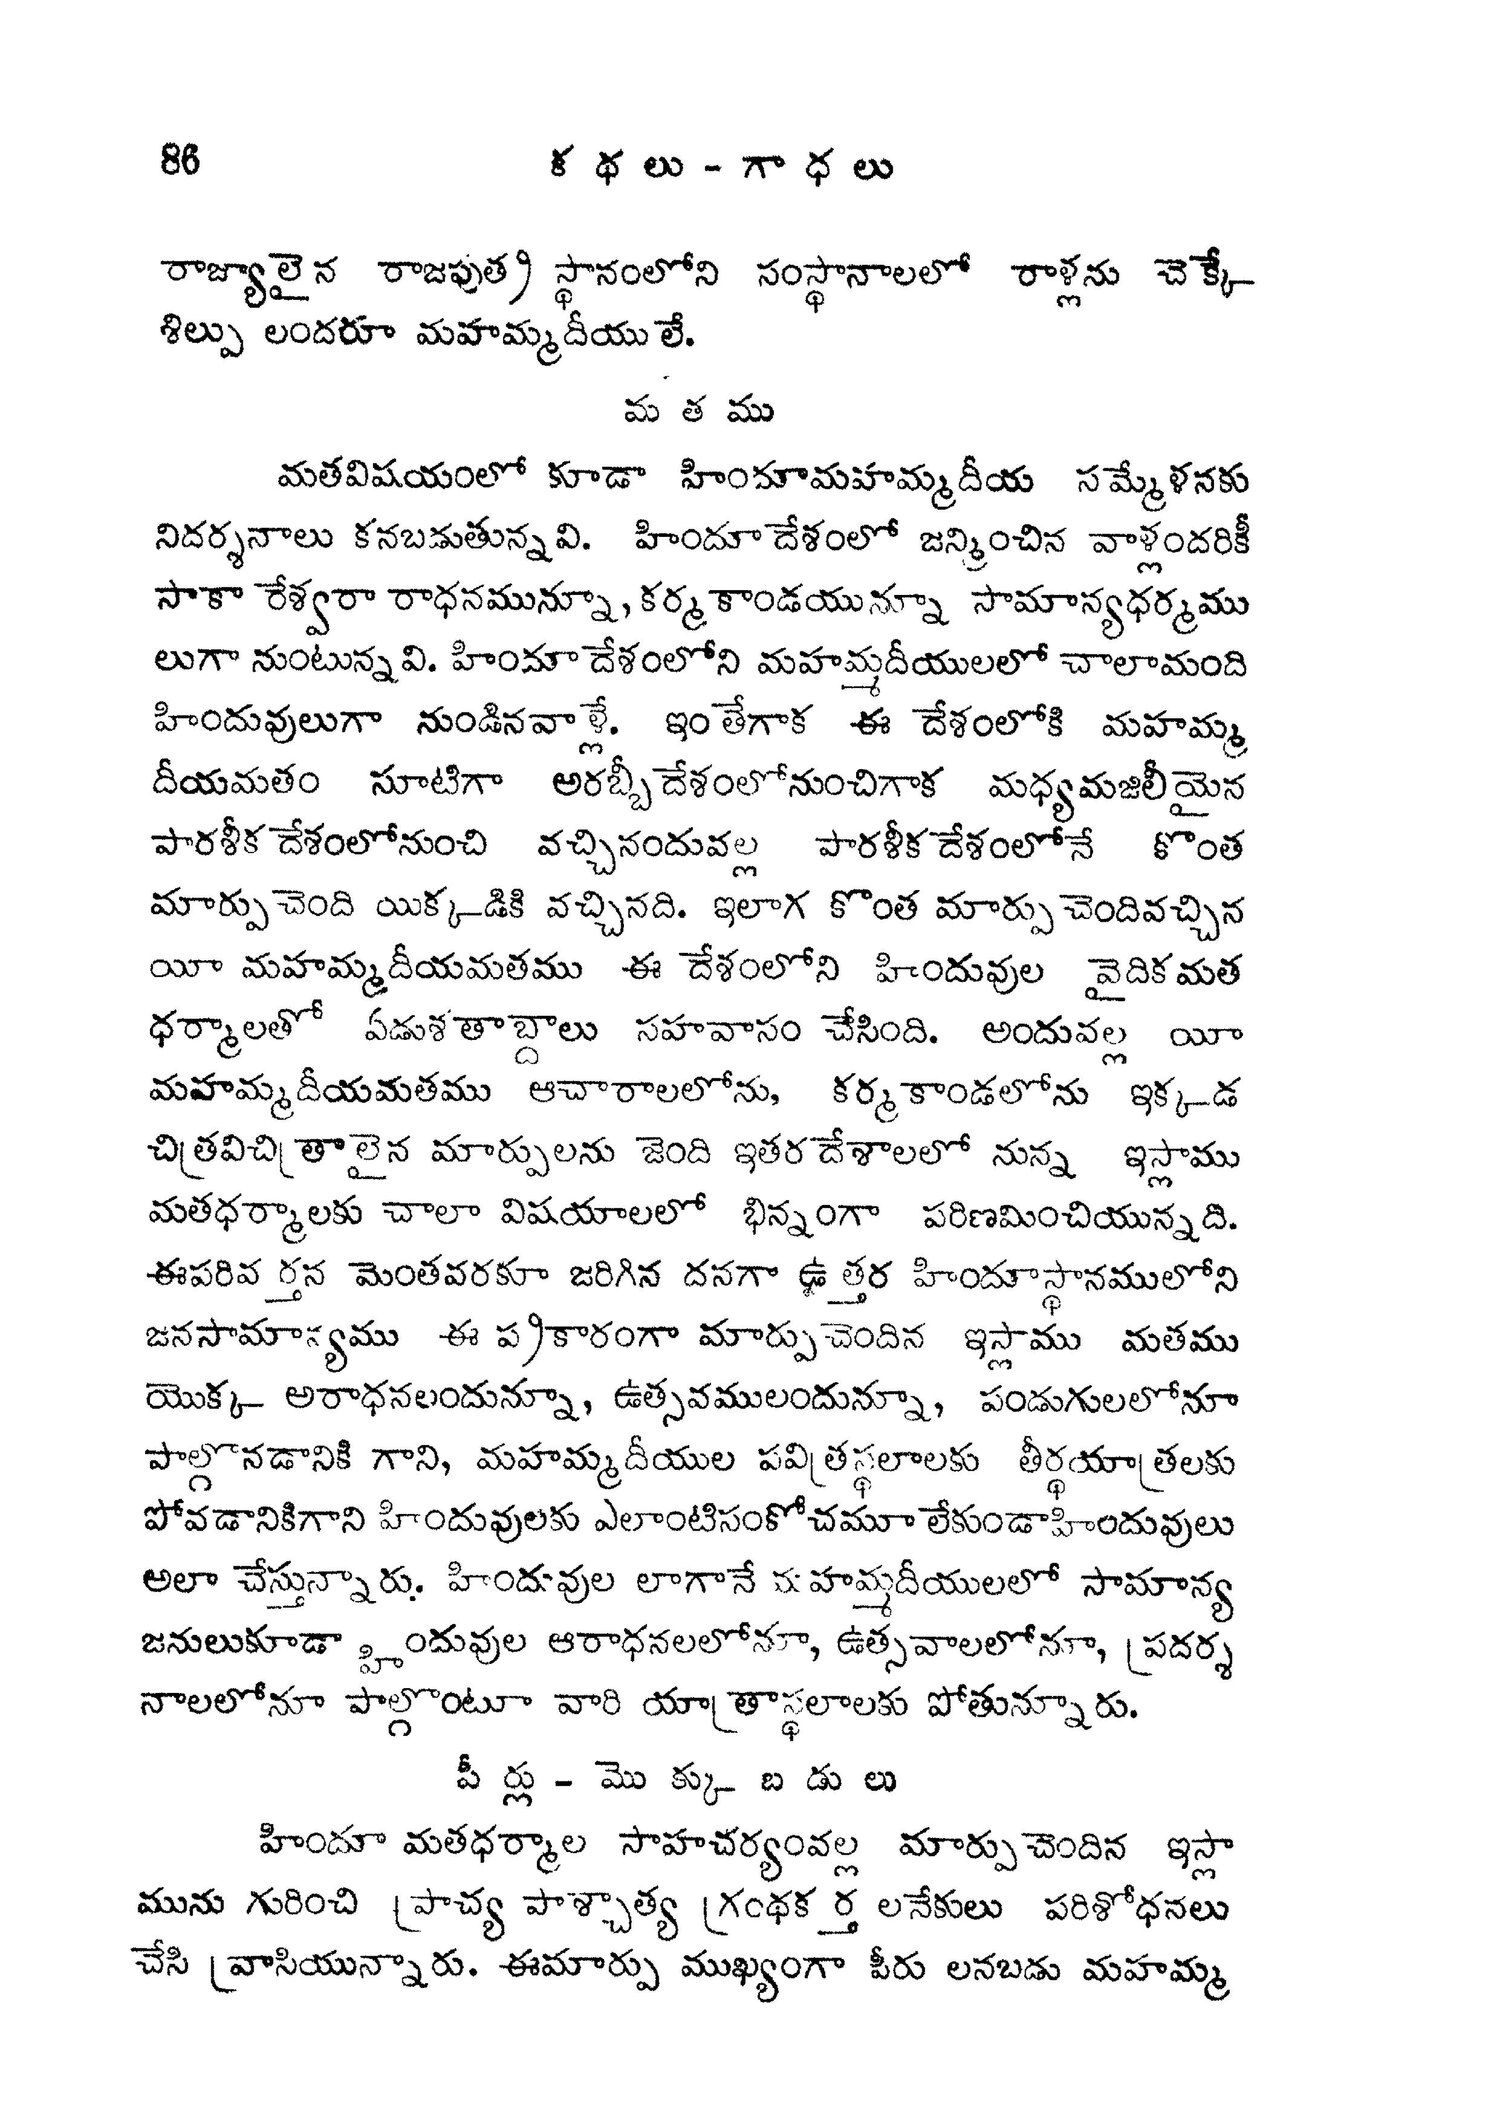రాజ్యాలైన రాజపుత్ర స్థానంలోని సంస్థానాలలో రాళ్లను చెక్కే శిల్పులందరూ మహమ్మదీయులే.

మతవిషయంలో కూడా హిందూమహమ్మదీయ సమ్మేళనకు నిదర్శనాలు కనబడుతున్నవి. హిందూదేశంలో జన్మించిన వాళ్లందరికీ సాకారేశ్వరా రాధనమున్నూ, కర్మకాండయున్నూ సామాన్యధర్మములుగా నుంటున్నవి. హిందూదేశంలోని మహమ్మదీయులలో చాలామంది హిందువులుగా నుండినవాళ్లే. ఇంతేగాక ఈ దేశంలోకి మహమ్మదీయమతం సూటిగా అరబ్బీదేశంలోనుంచిగాక మధ్యమజిలీయైన పారశీక దేశంలోనుంఛి వచ్చినందువల్ల పారశీకదేశంలోని కొంతమార్పుచెంది యిక్కడికి వచ్చినది. ఇలాగ కొంతమార్పుచెందివచ్చిన యీ మహమ్మదీయమతము ఈ దేశంలోని హిందువుల వైదికమతధర్మాలతో ఏడుశతాబ్దాలు సహవాసం చేసింది. అందువల్ల యీ మహమ్మదీయమతము ఆచారాలలోను, కర్మకాండలోను ఇక్కడ చిత్రవిచిత్రాలైన మార్పులను జెంది ఇతర దేశాలలో నున్న ఇస్లాము మతధర్మాలకు చాలా విషయాలలో భిన్నంగా పరిణమించియున్నది. ఈపరివర్తన మెంతవరకూ జరిగిన దనగా ఉత్తర హిందూస్థానములోని జనసామాన్యము ఈ ప్రకరంగా మార్పుచెందిన ఇస్లాము మతము యొక్క ఆరాధనలనందున్నూ, ఉత్సవములందున్నూ, పండుగులలోనూ పాల్గొనడానికి గాని, మహమ్మదీయల పవిత్రస్థలాలకు తీర్దయాత్రలకు పోవడానికిగాని హిందువులకు ఎలాంటి సంకోచమూలేకుండా హిందువులందరూ అలా చేస్తున్నారు. హిందువుల లాగనే మహమ్మదీయులలొ సామాన్యజనులుకూడా పాల్గొంటూ వారి యాత్రాస్థలాలకు పోతున్నారు.

హిందూ మతధర్మాల సాహచర్యంవల్ల మార్పుచెందిన ఇస్లామును గురించి ప్రాచ్యపాశ్చాత్య గ్రంధకర్తలనేకులు పరిశోధనలు చేసి వాసియున్నారు. ఈమార్పు ముఖ్యముగా పీరు లనబడు మహమ్మ